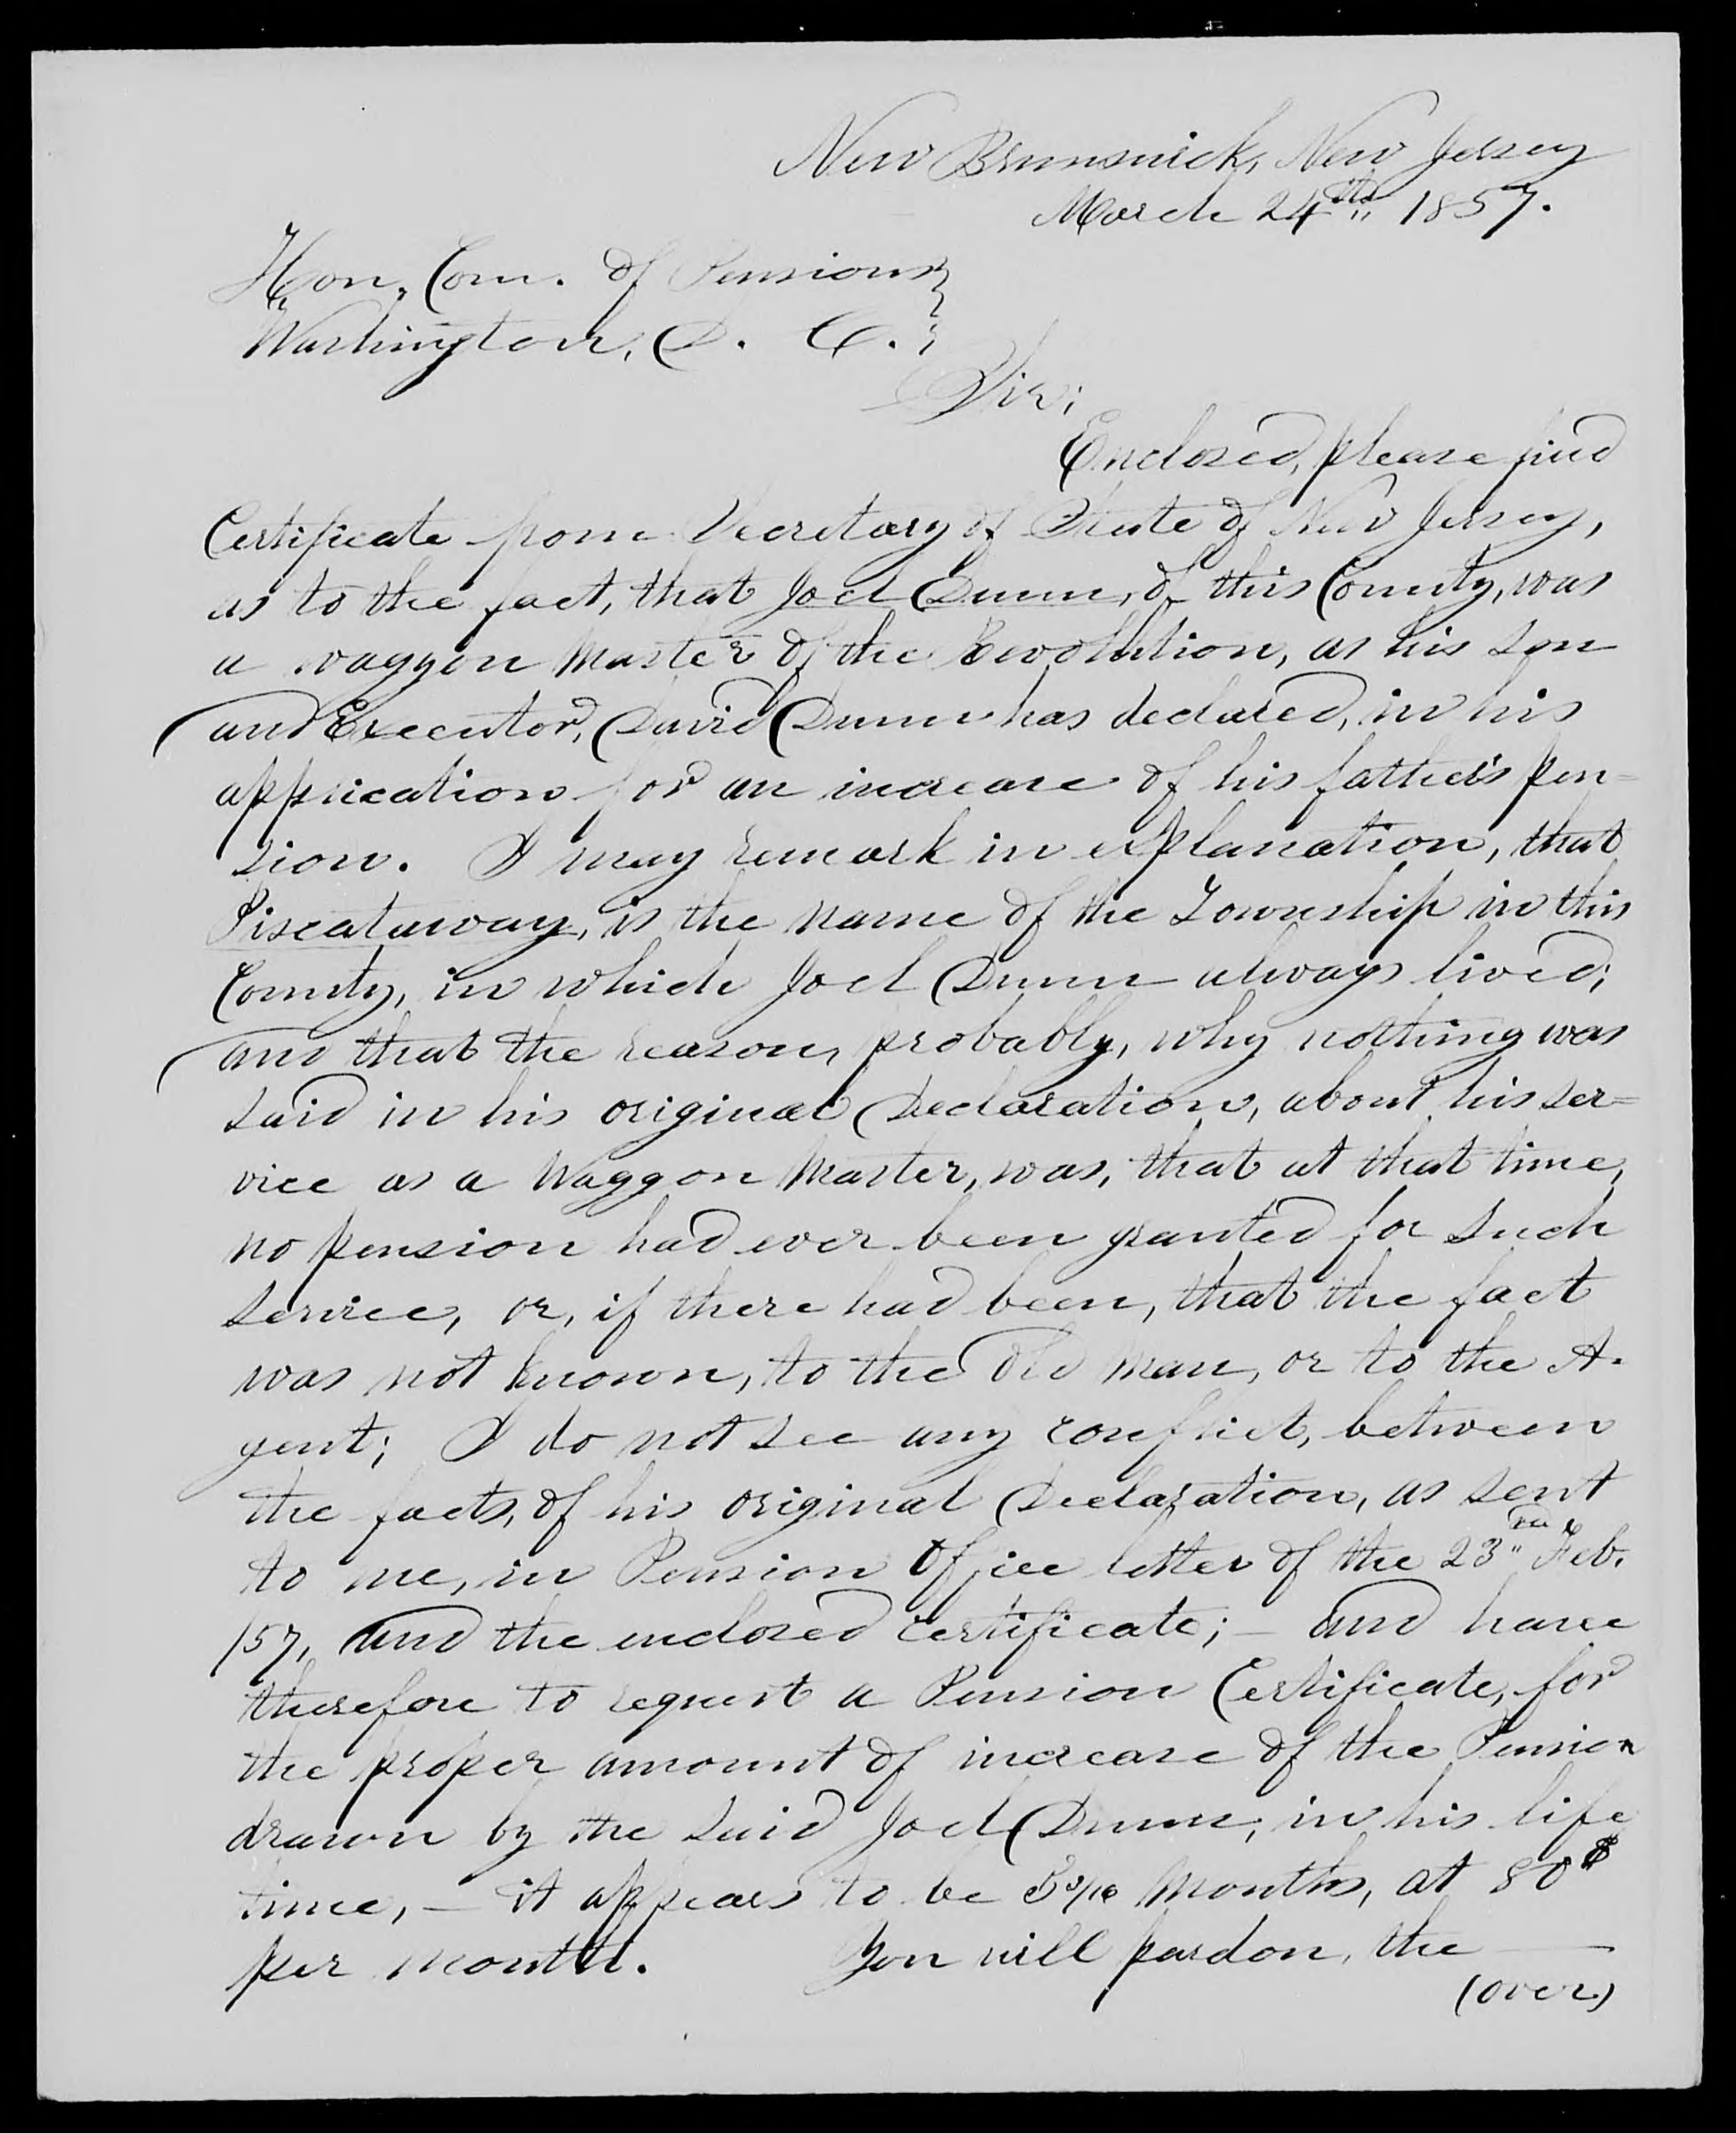New Brunswick, New Jersey
March 24th 1857.

Hon Com of Pensions
Washington, D.C.  }

Sir;

Enclosed please find Certificate from Secretary of State of New Jersey as to the fact, that Joel Dunn of this County, was a waggon Master of the revolution, as his son and Executor David Dunn has declared in his application for an increase of his father's pension. I may remark in explanation, that Piscataway, is the name of the Township in this County, in which Joel Dunn always lived and that the reason probably, why nothing was said in his original declaration, about his service as a Waggon Master, was, that at that time, no pension had ever been granted for such service, or, if there had been, that the fact was not known, to the old man, or to the Agent; I do not see any conflict, between
the facts of his original Declaration, as sent
to me, in Pension Office letter of the 23d Feb.
/57, and the enclosed certificate; and have
therefore to request a Pension Certificate, for
the proper amount of increase of the Pension
drawn by the said Joel Dunn, in his life time,-- it appears to be 5 3/16 months, at 80$ per month.
you will pardon, the--
(over )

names: David Dunn, Joel Dunn, Joel Dunn, Joel Dunn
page: 48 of 52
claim: widow's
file: W. 919, Joel Dunn, New Jersey